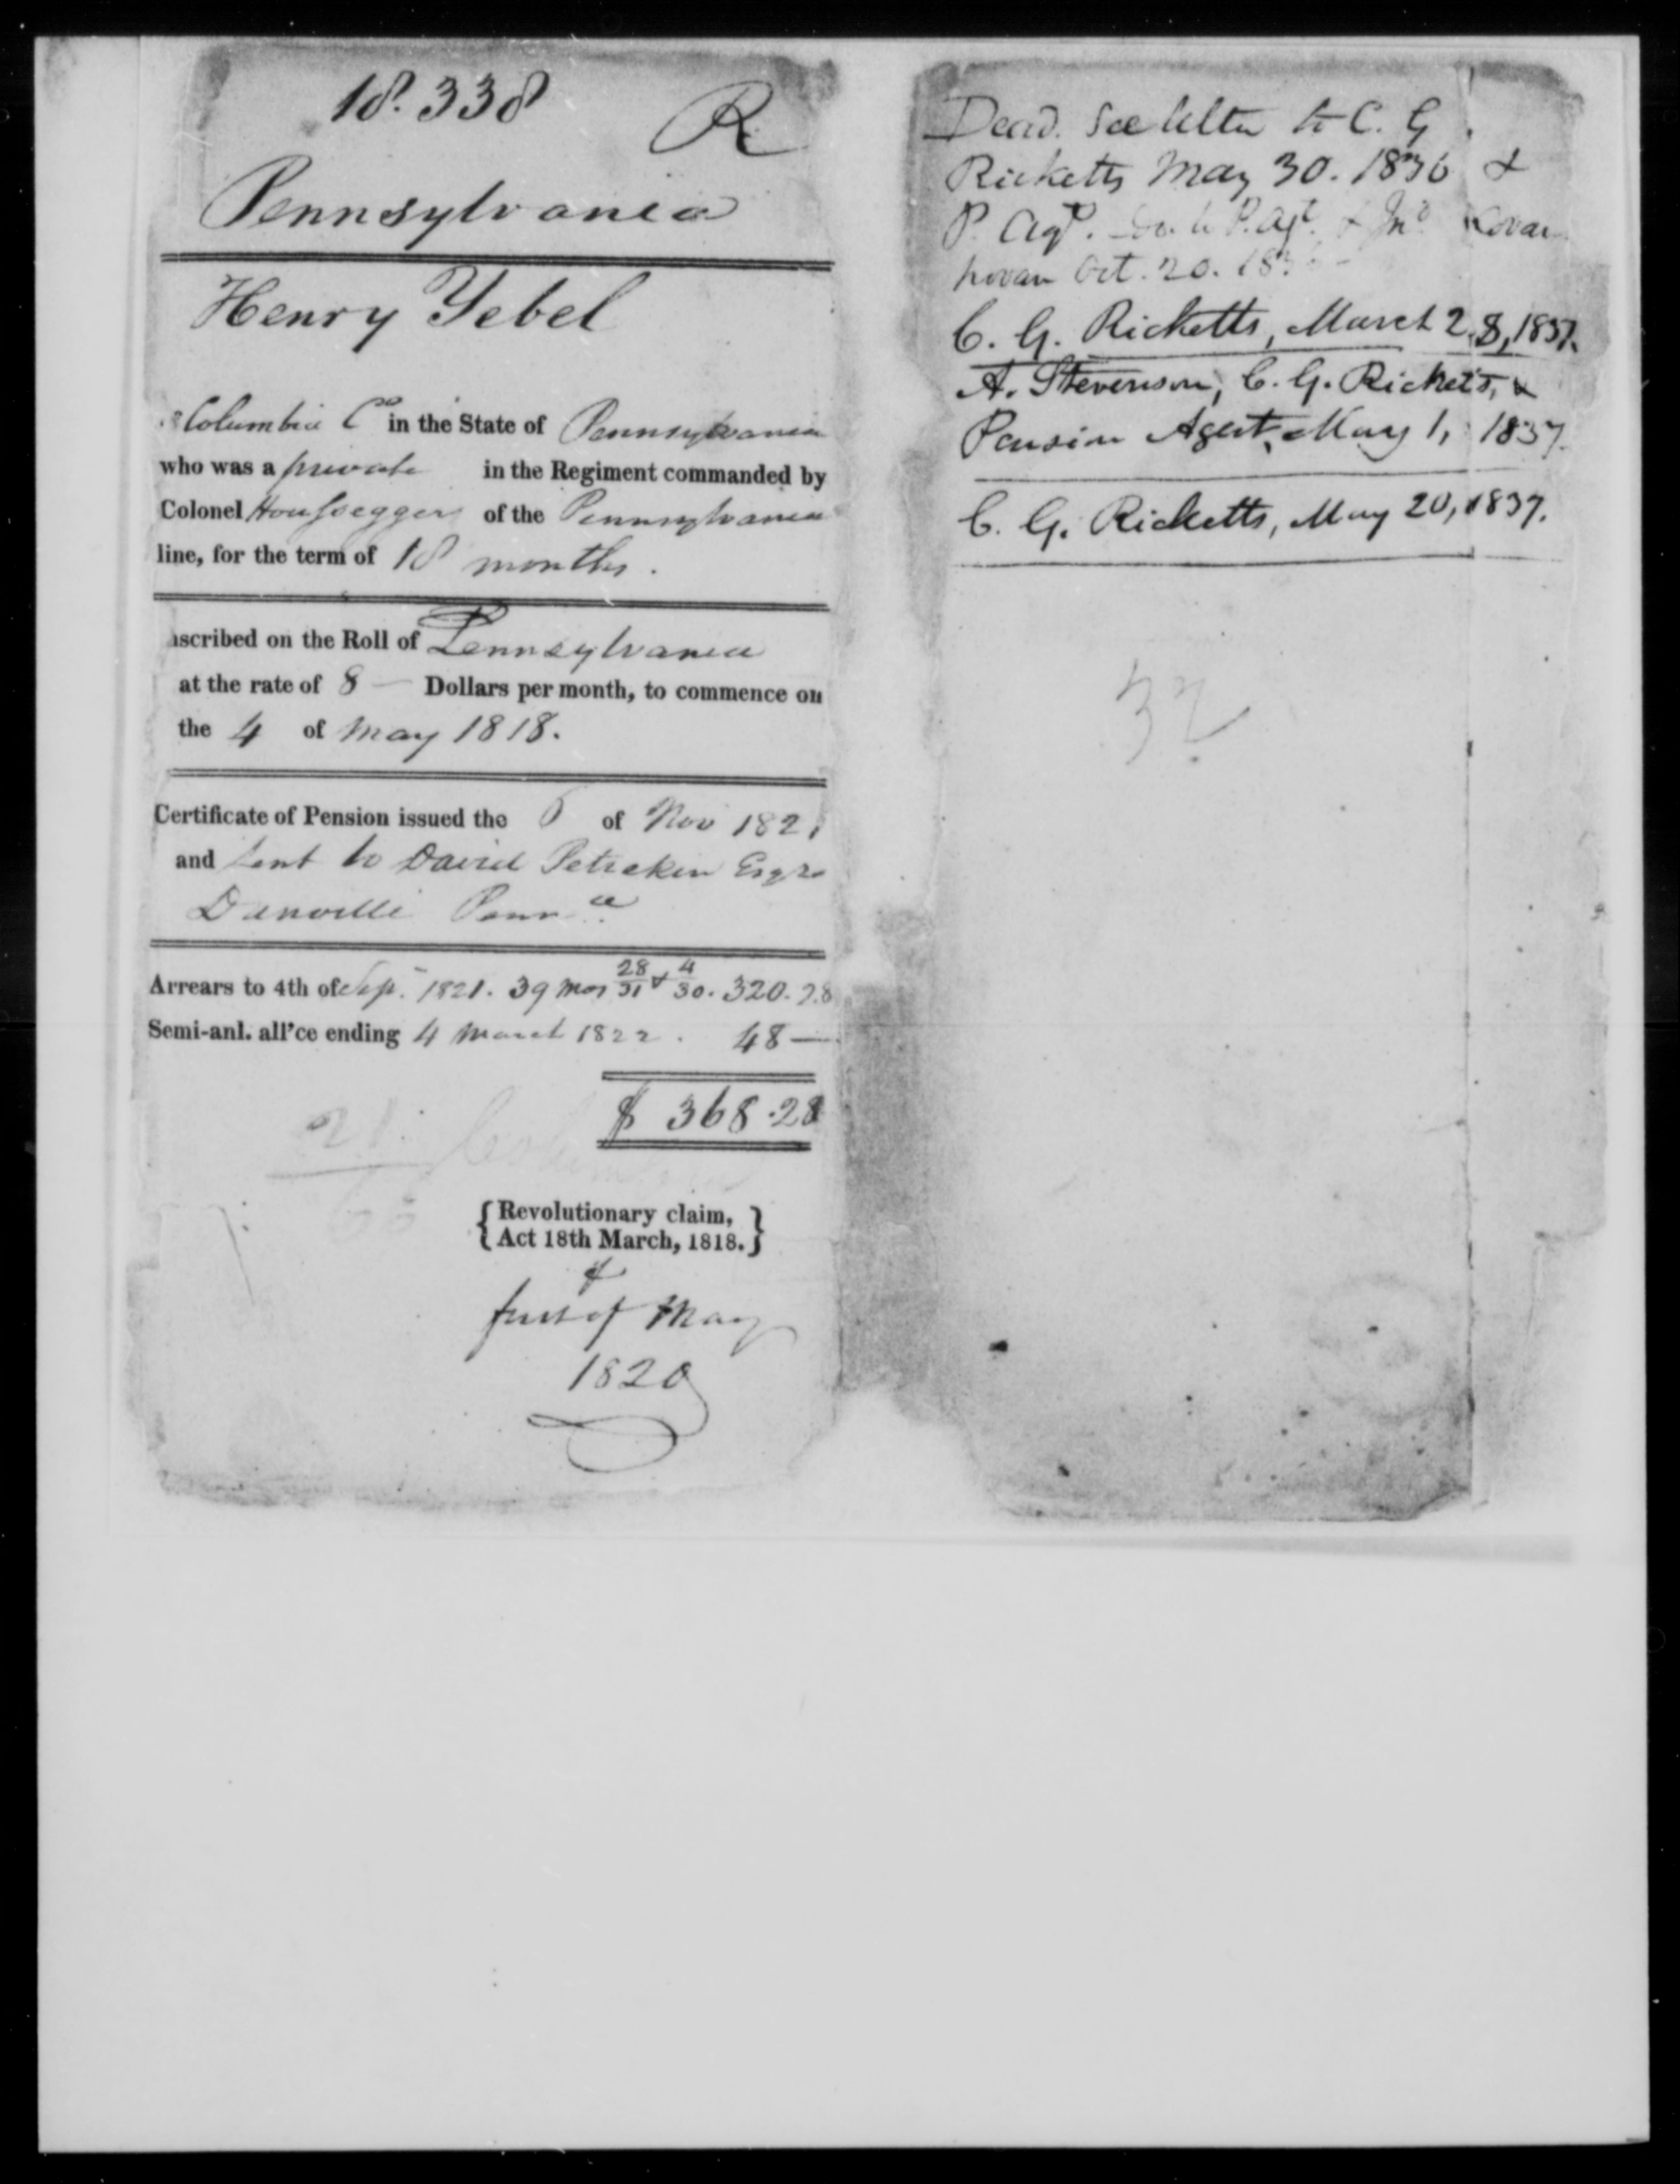18.338 R
Pennsylvania
Henry Yebel
Columbia Co. in the State of Pennsylvania who was a private in the Regiment commanded by Colonel Houfsegger of the Pennsylvania line, for the term of 18 months.
Transcribed on the Roll of Pennsylvania at the rate of 8 Dollars per month, to commence on the 4 of May 1818.
Certificate of Pension issued the 6 of Nov 1821 and sent to David Petrekin Esq. Danville Penna.
Arrears to 4th of Sep 1821. 39 Mos 28/31 & 4/30. 320.28. 
Semi-anl. all'ce ending 4 March 1822 48-
$368.28
Revolutionary claim,
Act 18th March, 1818.
First of May 
1829

Dead.  See letter A.C.G. Ricketts May 30, 1836 & P. Agt [illegible] Oct. 20, 1836
C.G. Ricketts, March 28, 1837.
A. Stevenson, C.G. Ricketts, Pension Agent, May 1, 1837
C.G. Ricketts, May 20, 1837.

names: A Stevenson, C G Ricketts, Henry Yebel, David Peterken, Jno Kovanhovan, Housseggers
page: 3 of 75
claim: widow's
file: W. 3326, Henry Yebel, Continental (Penn.)